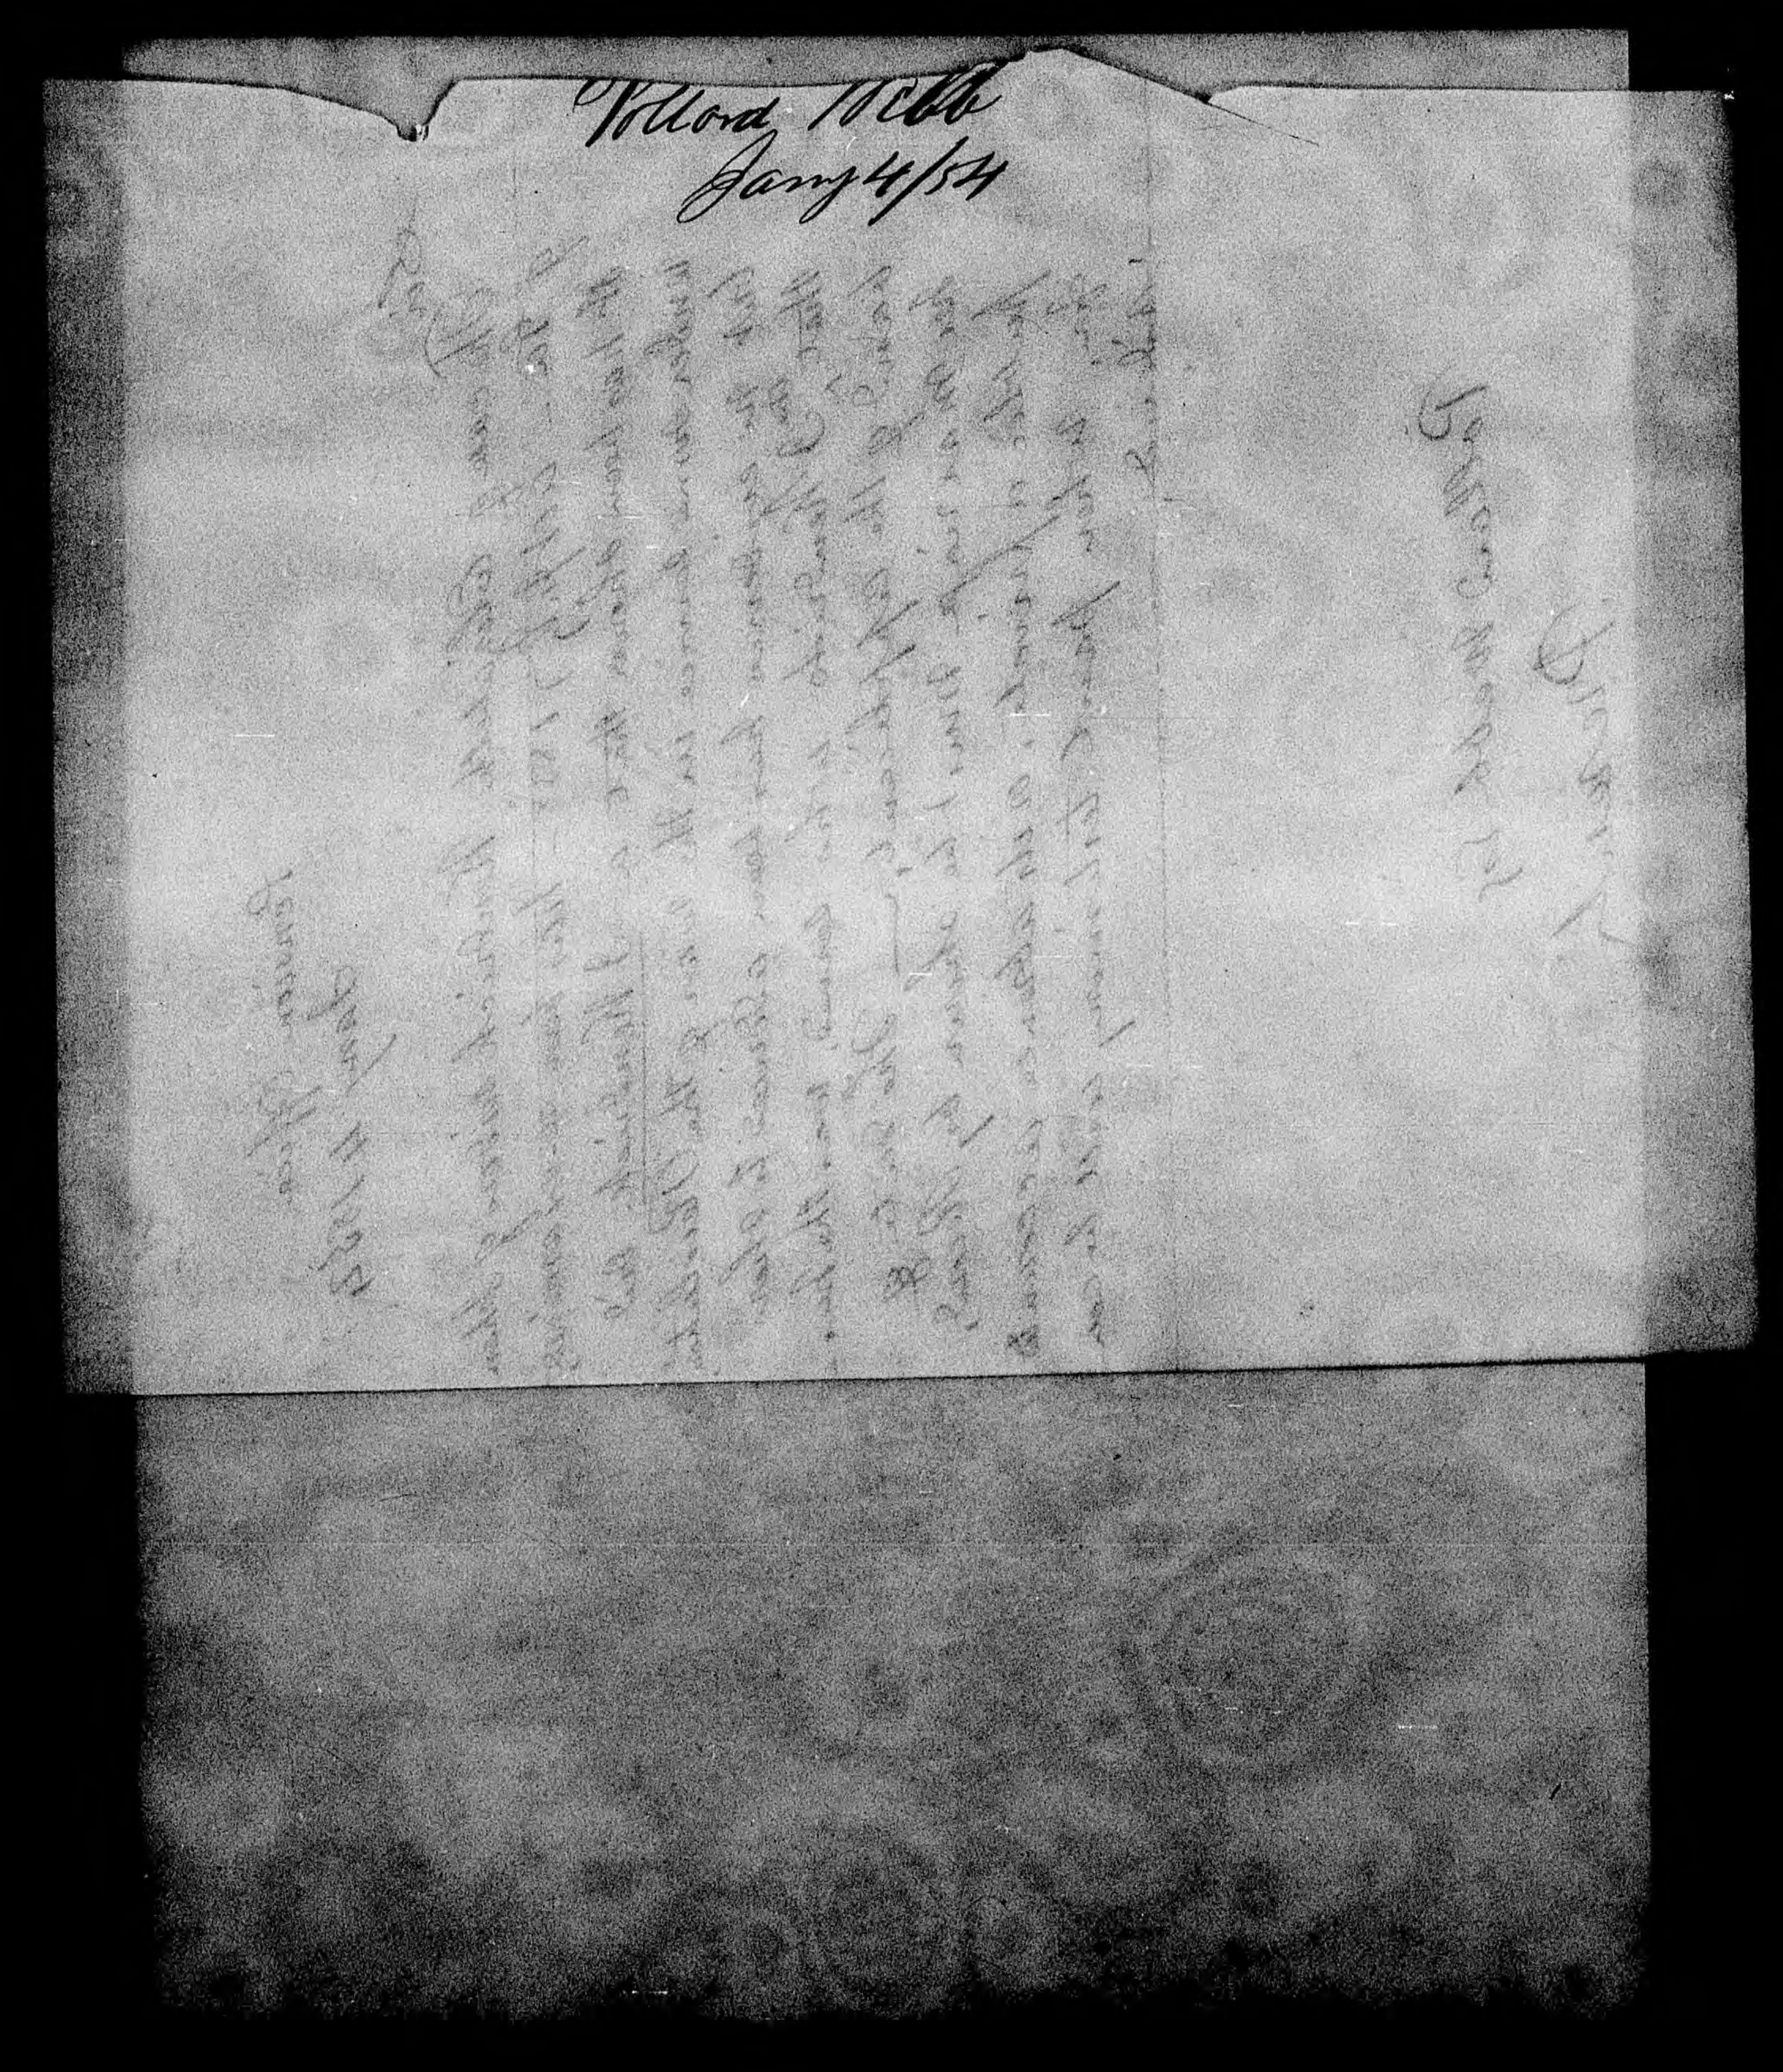[written on the side of the page]
[Pollard Webb? - it is slightly off the edge]
Jany 4/54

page: 14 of 29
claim: rejected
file: R. 5862, for Isham Kendrick, North Carolina